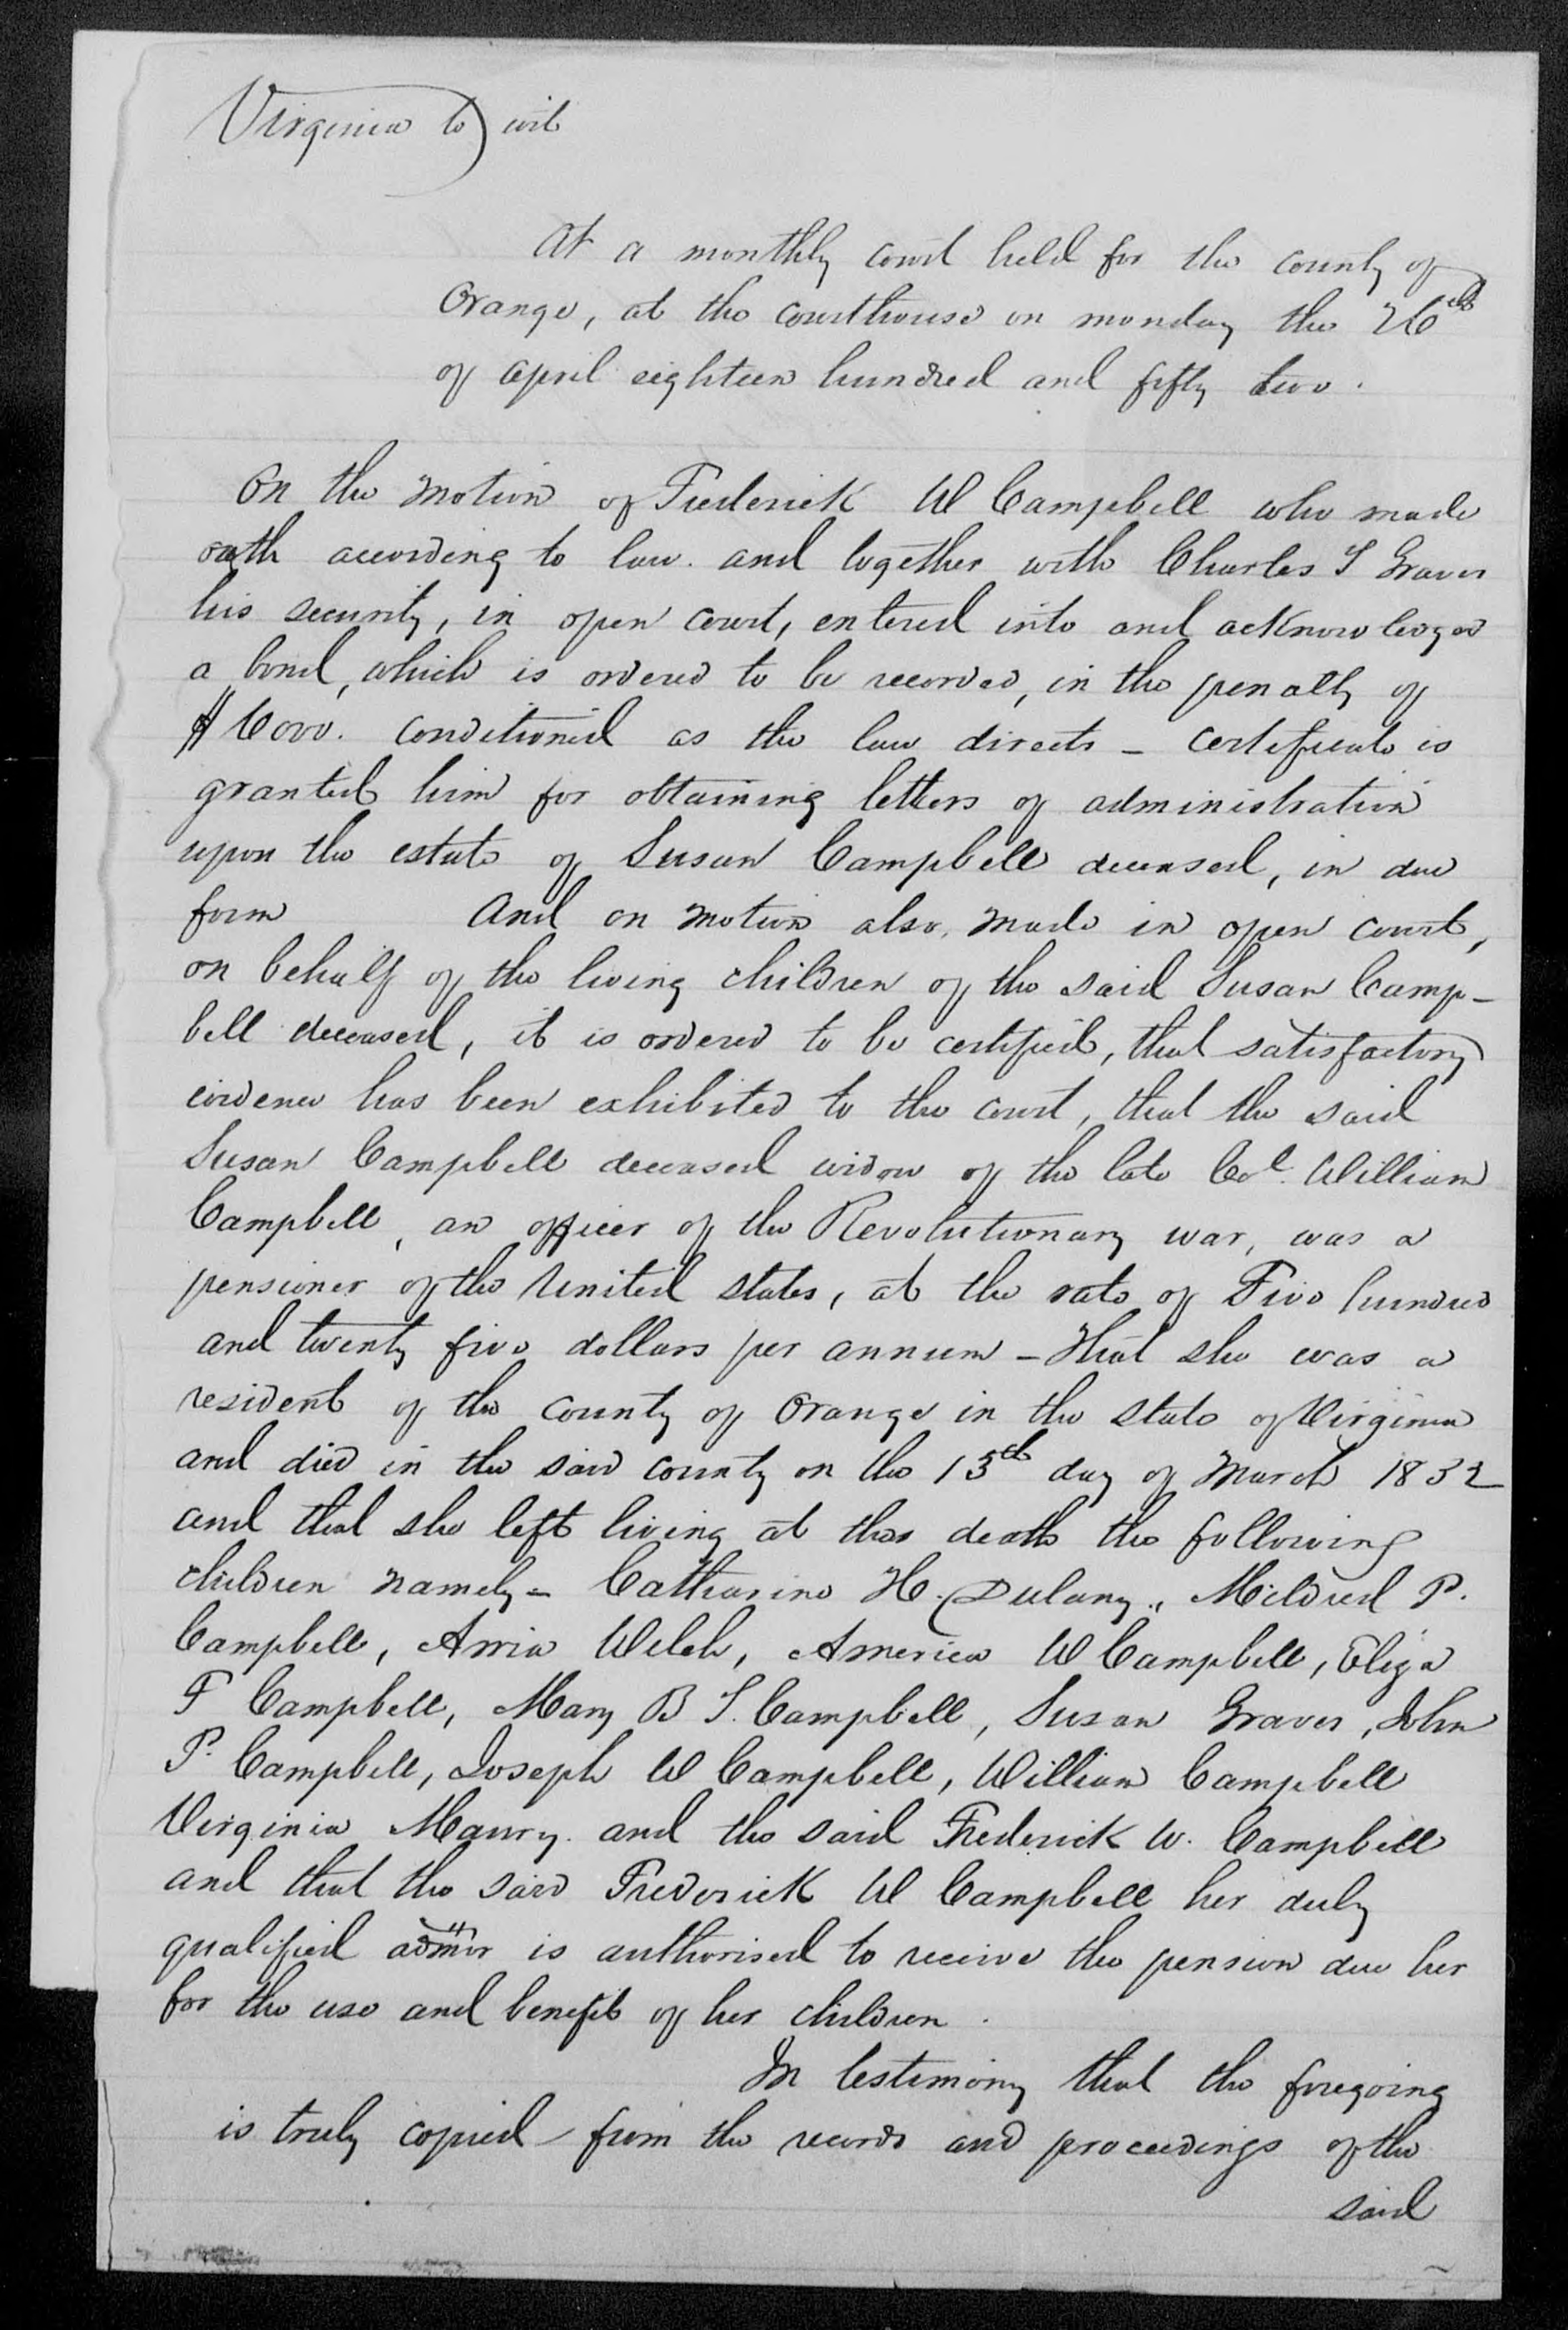Virginia to wit

At a monthly and held for the county of Orange, at the courthouse on Monday the 26th of April eighteen hundred and fifty two

On the motion of Frederick W Campbell who made oath according to law. and together with Charles T Graves his security, in open court, entered into and acknowledged a bond, which is ordered to be recorded, in the penalty of $6000. conditioned as the law directs __  certificate is granted him for obtaining letters of administration upon the estate of Susan Campbell deceased, in due form.       And on motion also, made in open court, on behalf of the living children of the said Susan Campbell deceased, it is ordered to be certified, that satisfactory evidence has been exhibited to the court, that the said Susan Campbell deceased widow of the late Col. William Campbell, an officer of the Revolutionary war, was a Pensioner of the United States, at the rate of Five hundred twenty five dollars per annum _ That she was a resident of the County of Orange in the state of Virginia and died in the said county on the 13th day of March 1852 and that she left living at the death the following children, namely _ Catharine  H Dulany, Mildred P. Campbell, Arria Welch, America W Campbell, Eliza F Campbell, Mary B L Campbell, Susan Graves, John P. Campbell, Joseph W Campbell, William Campbell Virginia Maury and the said Frederick W. Campbell and that the said Frederick W. Campbell her duly qualified admr is authorized to receive the pension due her for the use and benefit of her children. 
In testimony that the foregoing is truly copied from the records and proceedings of the said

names: Eliza F Campbell, Mildred P Campbell, Catharine H Dulany, Frederick W Campbell, Mary B T Campbell, Susan Graves, Charles T Graves, Susan Campbell, America W Campbell, Arria Welch, John P Campbell, H Covo, Susan Campbell, William Campbell, Susan Campbell, Frederick W Campbell, Joseph W Campbell, Virginia Maury, Frederick W Campbell, William Campbell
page: 27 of 267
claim: widow's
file: W. 4,149, William Campbell, Va.